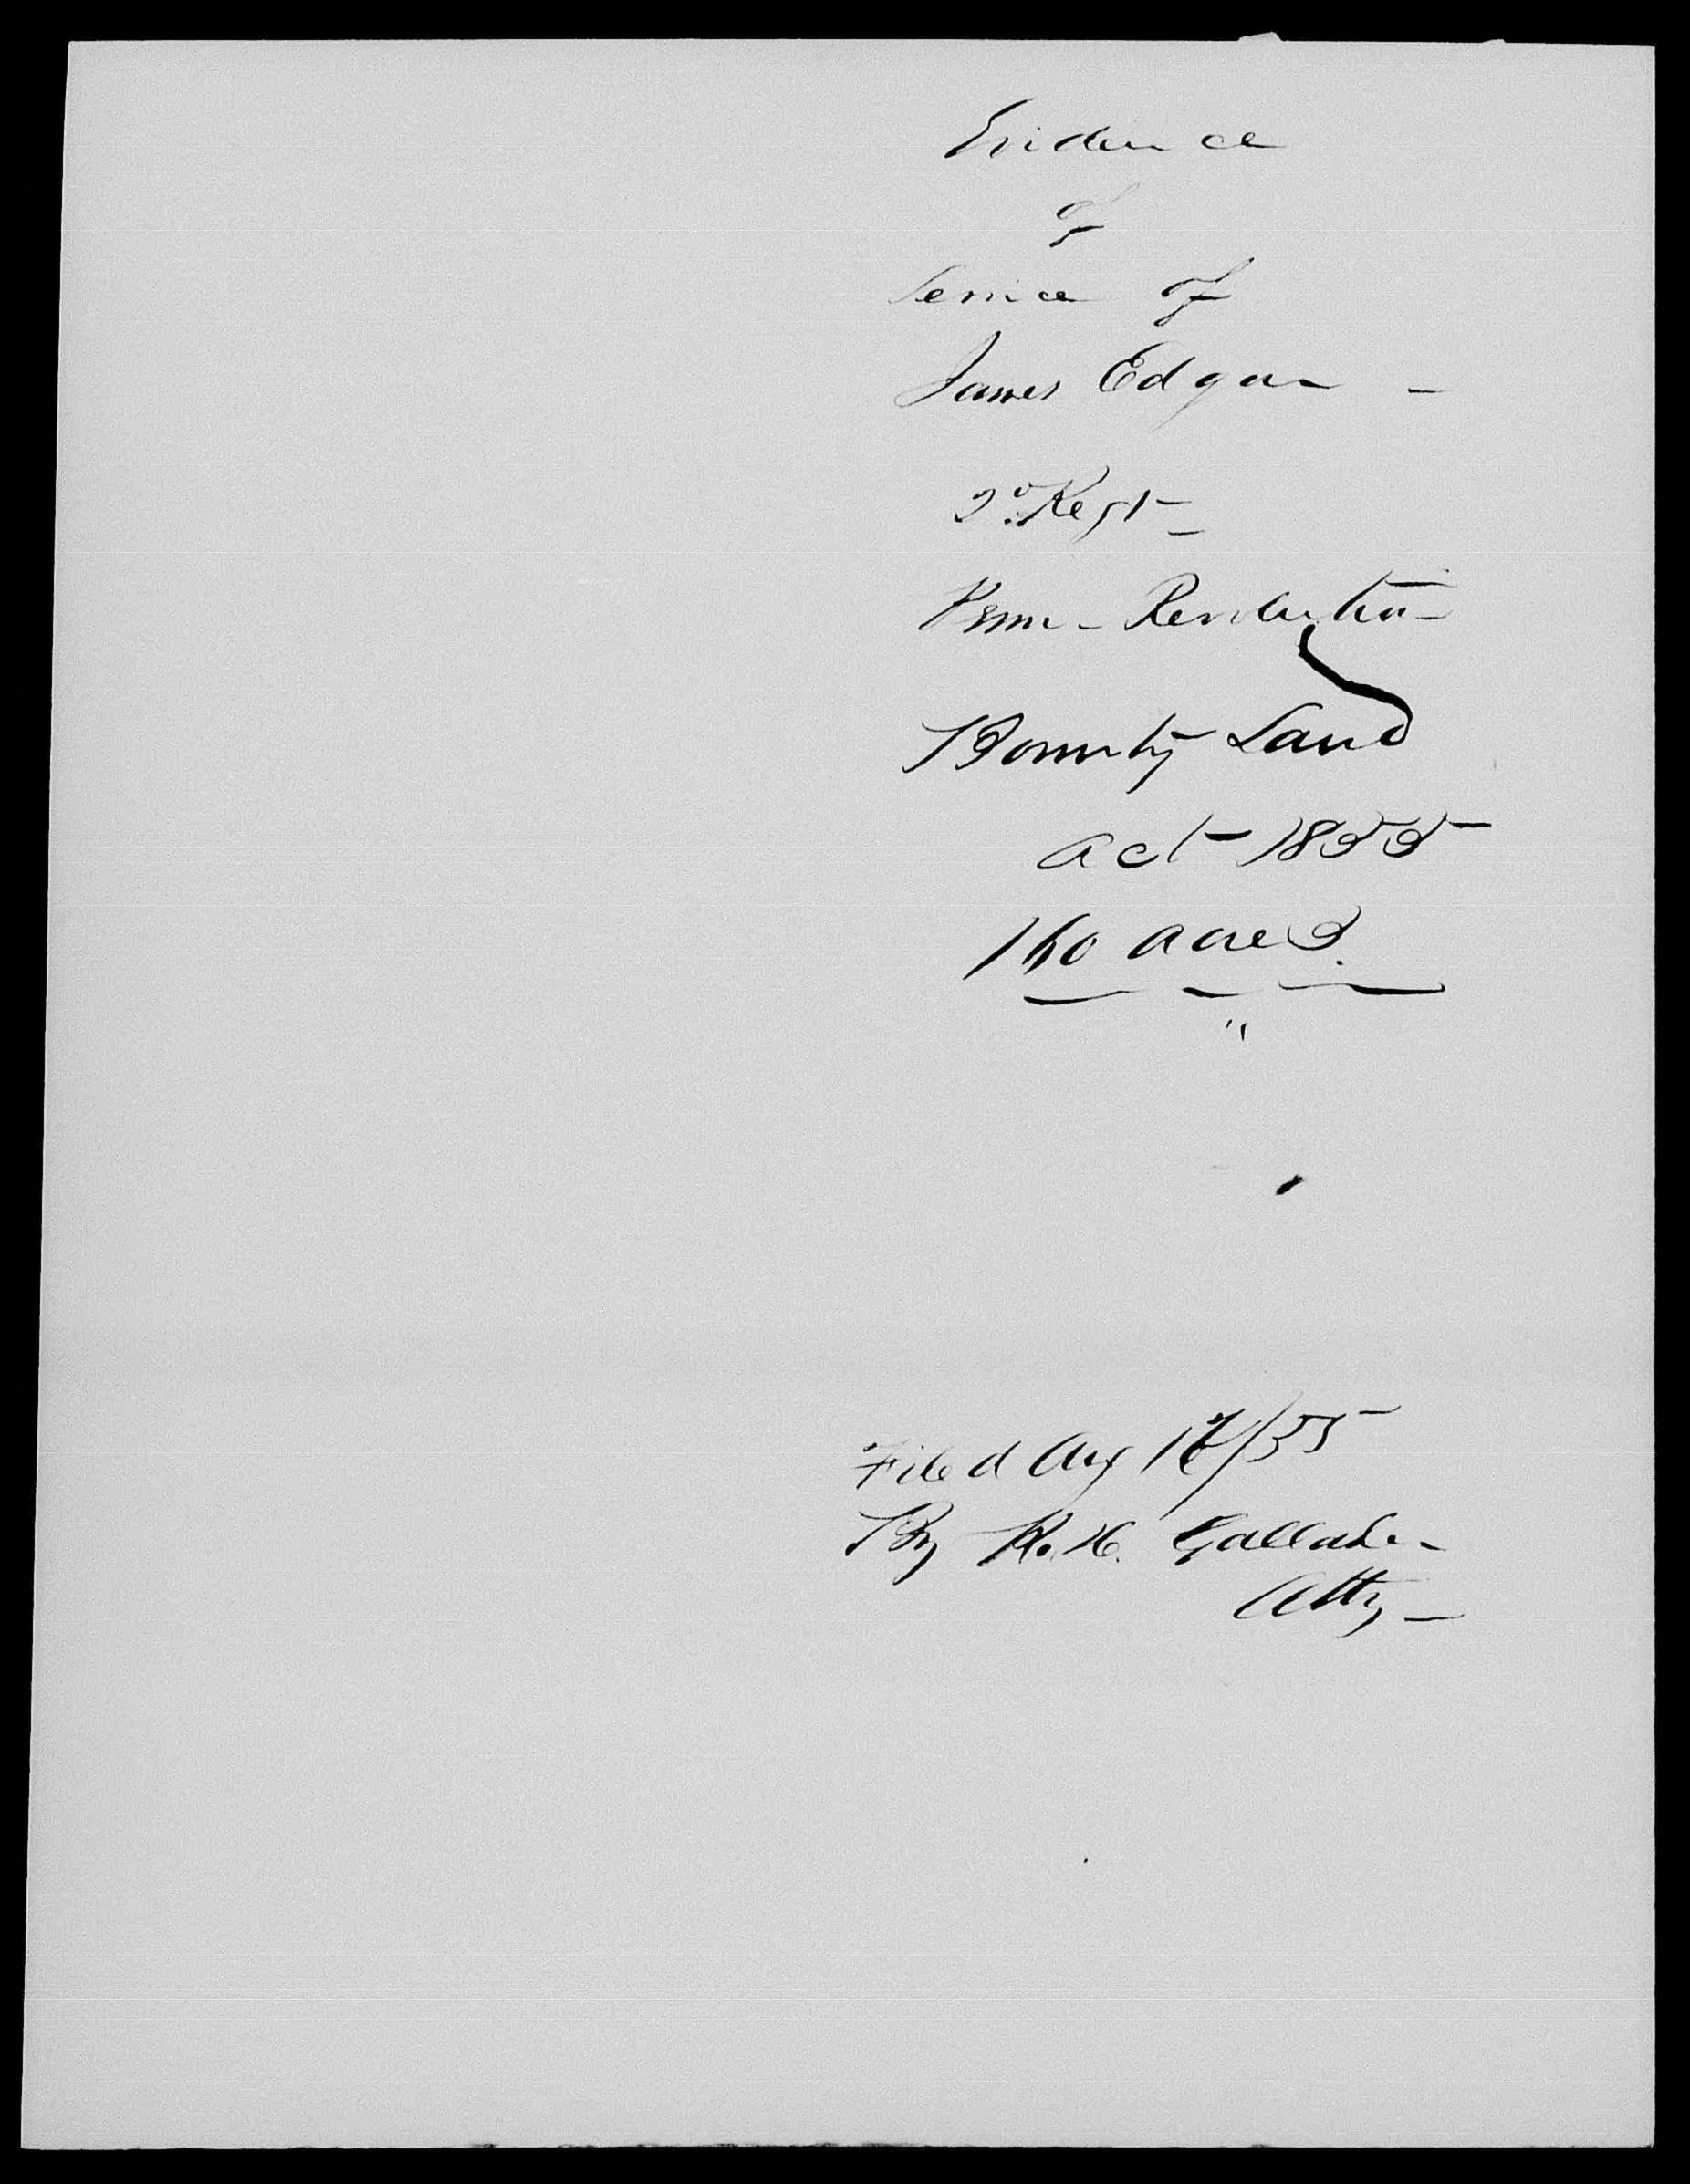Evidence
Service of
James Edgar
2 Rept -
Penn Revolution
Bounty Land
Act 1835
160 acres
"
File Aug 16/53
By H.H. Gallaher
Atty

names: James Edgar, R H Gallaher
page: 62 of 74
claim: widow's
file: W. 9422, James Edgar, Penn.